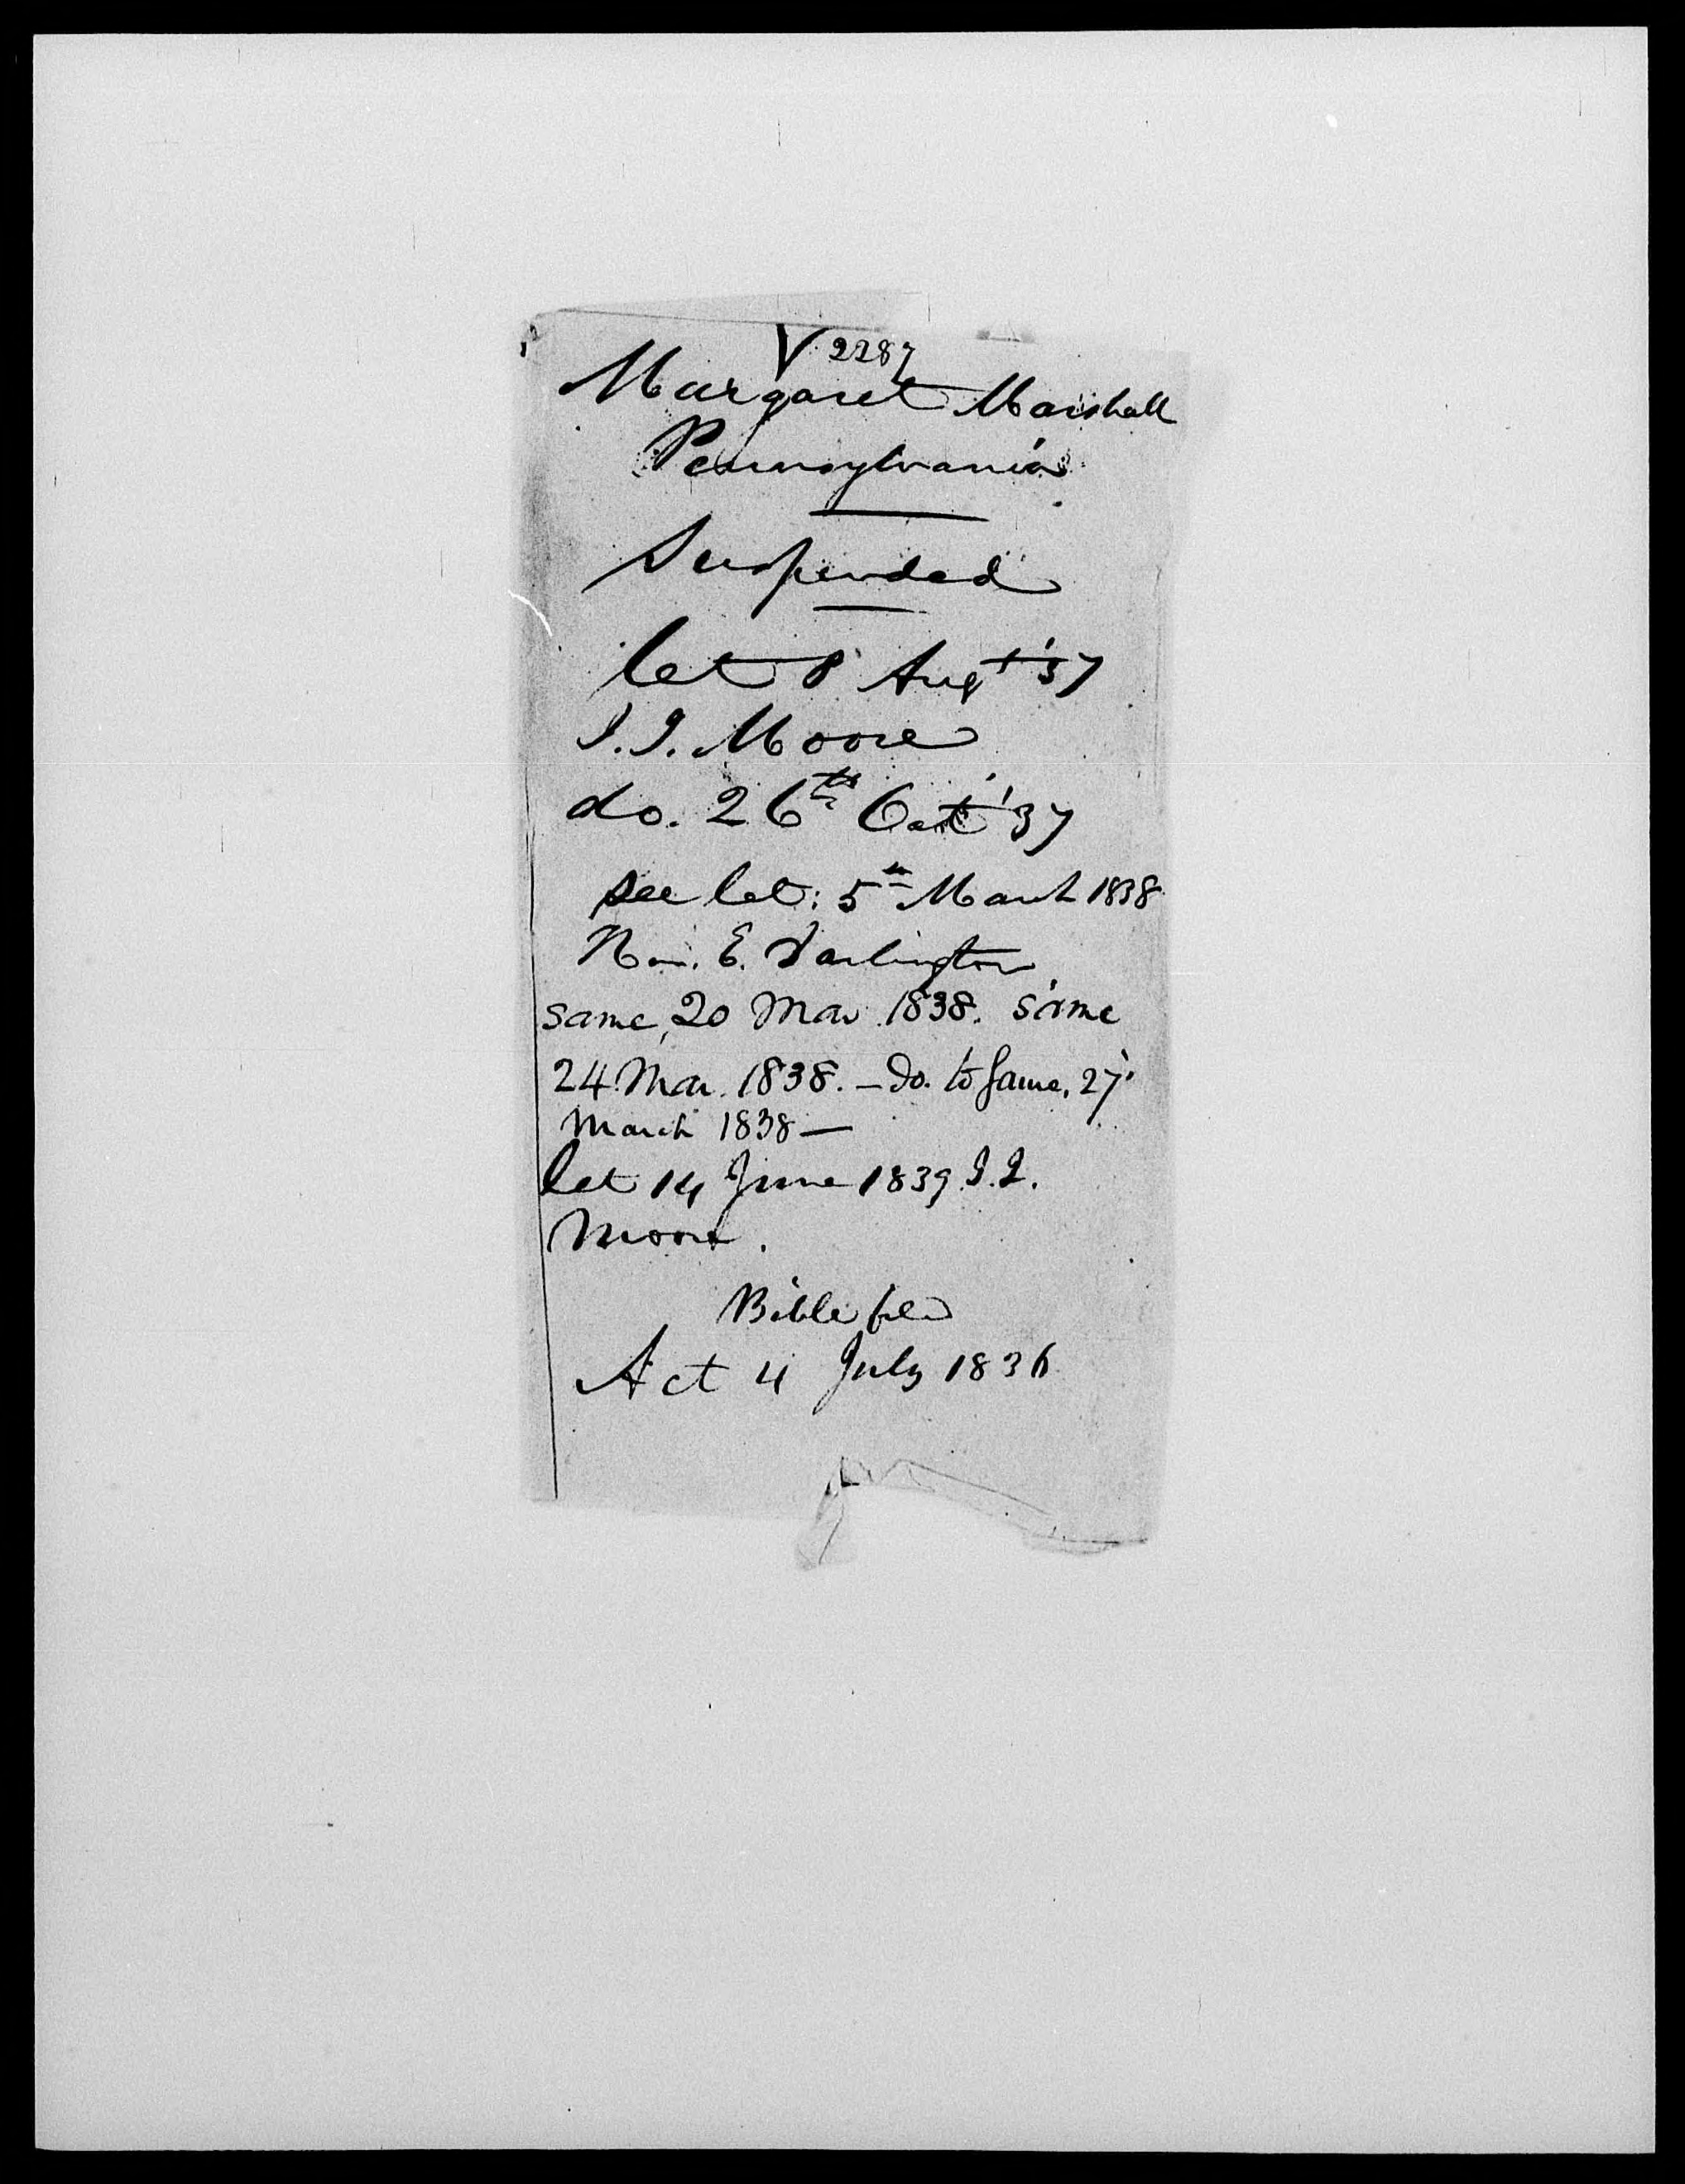V 2287
Margaret Marshall
Pennsylvania 
Suspended
Let 8 August '57
J.J. Moore
do. 26th October '37
see let: 5th March 1838
N. E. Varlington
same 20 Mar 1838 same 24 March 1838. - do to June, 27 March 1838
let 14 June 1839 J.J. Moore

Bible filed
Act 4 July 1836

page: 25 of 86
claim: widow's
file: W. 3571, for David Marshall, Pennsylvania